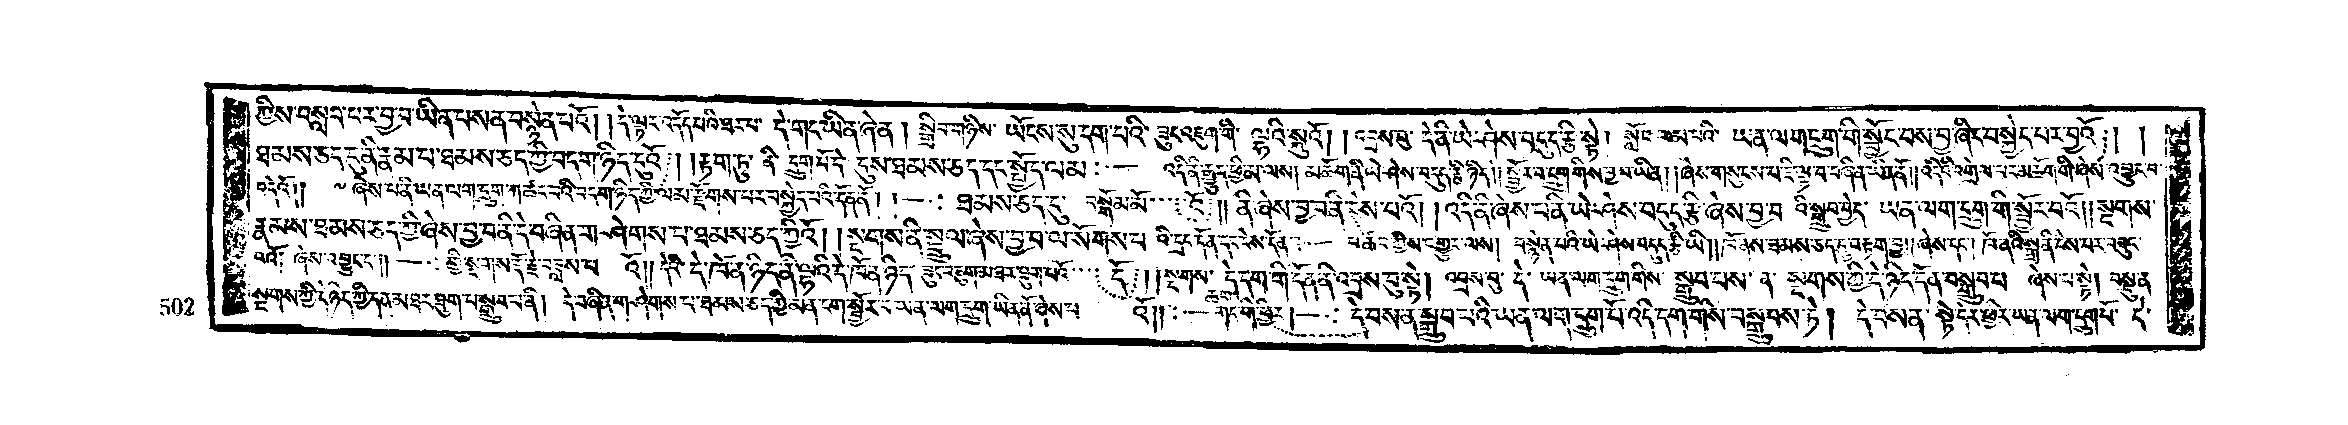ཀྱིས་བསླབ་པར་བྱ་བ་ཡིན་པས་ན་བསྙེན་པའོ། ། དེ་ལྟར་འདོད་པའི་ཐར་པ་དེ་གང་ཡིན་ཞེ་ན། སྒྲིབ་གཉིས་ཡོངས་སུ་དག་པའི་ཟུང་འཇུག་གི་ལྷའི་སྐུའོ། །འབྲས་བུ་དེ་ནི་ཡེ་ཤེས་བདུད་རྩི་སྟེ། སློབ་ལམ་པའི་ཡན་ལག་དྲུག་གི་སྦྱོར་བས་བྱ་ཞིང་བསྐྱེད་པར་བྱའོ། །
ཐམས་ཅད་དུ་ནི་རྣམ་པ་ཐམས་ཅད་ཀྱི་བདག་ཉིད་དུའོ། །རྟག་ཏུ་ནི་དྲུག་པོ་དེ་དུས་ཐམས་ཅད་དང་སྤྱོད་ལམཿ་འདི་ནི་རྒྱུད་ཕྱི་མ་ལས། མཆོག་ནི་ཡེ་ཤེས་བདུད་རྩི་ཉིད། །སྦྱོར་བ་དྲུག་གིས་བྱ་བ་ཡིན། །ཞེས་གསུངས་པ་ཇི་ལྟ་བ་བཞིན་ཡིན་ནོ། །འདིའི་འགྲེལ་པར་མཆོག་གི་ཞེས་འབྱུང་བ་
འདིའོ།། ༈ ཞེས་པ་ནི་ཡན་ལག་དྲུག་ཀ་ཚང་པའི་བདག་ཉིད་ཀྱི་ལམ་རྫོགས་པར་བསྐྱེད་པའི་དོན་ནོ།། .H ཐམས་ཅད་དུ་བསྒོམ་མོ་འོ། །ནི་ཞེས་བྱ་བ་ནི་ངེས་པའོ། །འདི་ནི་ཞེས་པ་ནི་ཡེ་ཤེས་བདུད་རྩི་ཞེས་བྱ་བའི་སྒྲུབ་བྱེད་ཡན་ལག་དྲུག་གི་སྦྱོར་བའོ། །སྔགས་
རྣམས་ཐམས་ཅད་ཀྱི་ཞེས་བྱ་བ་ནི་དེ་བཞིན་གཤེགས་པ་ཐམས་ཅད་ཀྱིའོ། །སྔགས་ནི་སྦྲུལ་ཞེས་བྱ་བ་ལ་སོགས་པའི་དྲང་དོན་དང་ངེས་དོནཿ་པ་ཚབ་ཀྱིས་འགྱུར་ལས། བསྙེན་པའི་ཡེ་ཤེས་བདུད་རྩི་ཡི། །ཁོ་ནས་ཐམས་ཅད་དུ་བརྟག་བྱ། །ཞེས་དང་། ཁོ་ནའི་སྒྲ་ནི་ངེས་པར་བཟུང་
བའོ། ཞེས་འབྱུང་ང།།.H གྱི་སྔགས་རྡོ་རྗེ་བཟླས་པའོ། །དེའི་དེ་ཁོ་ན་ཉིད་ནི་ལྷའི་དེ་ཁོ་ན་ཉིད་ཟུང་འཇུག་མཐར་ཐུག་པའོ་དོ། །སྔགས་དེ་དག་གི་དོན་ནི་འབྲས་བུ་སྟེ། འབྲས་བུ་དེ་ཡན་ལག་དྲུག་གིས་སྒྲུབ་པས་ན་སྔགས་ཀྱི་དེ་ཉིད་དོན་བསྒྲུབ་པ་ཞེས་པ་སྟེ། བསྡུ་ན་
སྔགས་ཀྱི་དེ་ཉིད་ཀྱི་དན་མཐར་ཐུག་པ་སྒྲུབ་པ་ནི། དེ་བཞིན་གཤེགས་པ་ཐམས་ཅད་ཀྱི་མན་ངག་སྦྱོར་བ་ཡན་ལག་དྲུག་ཡིན་ནོ་ཞེས་པའོ།། H.་ཆག་གང་གི་ཕྱིརH དེ་བས་ན་སྒྲུབ་པའི་ཡན་ལག་དྲུག་པོ་འདི་དག་གིས་བསྒྲུབས་ཏེ། དེ་བས་ན་སྟེ་དེའི་ཕྱིར་ཡན་ལག་དྲུག་པོ་དེ་